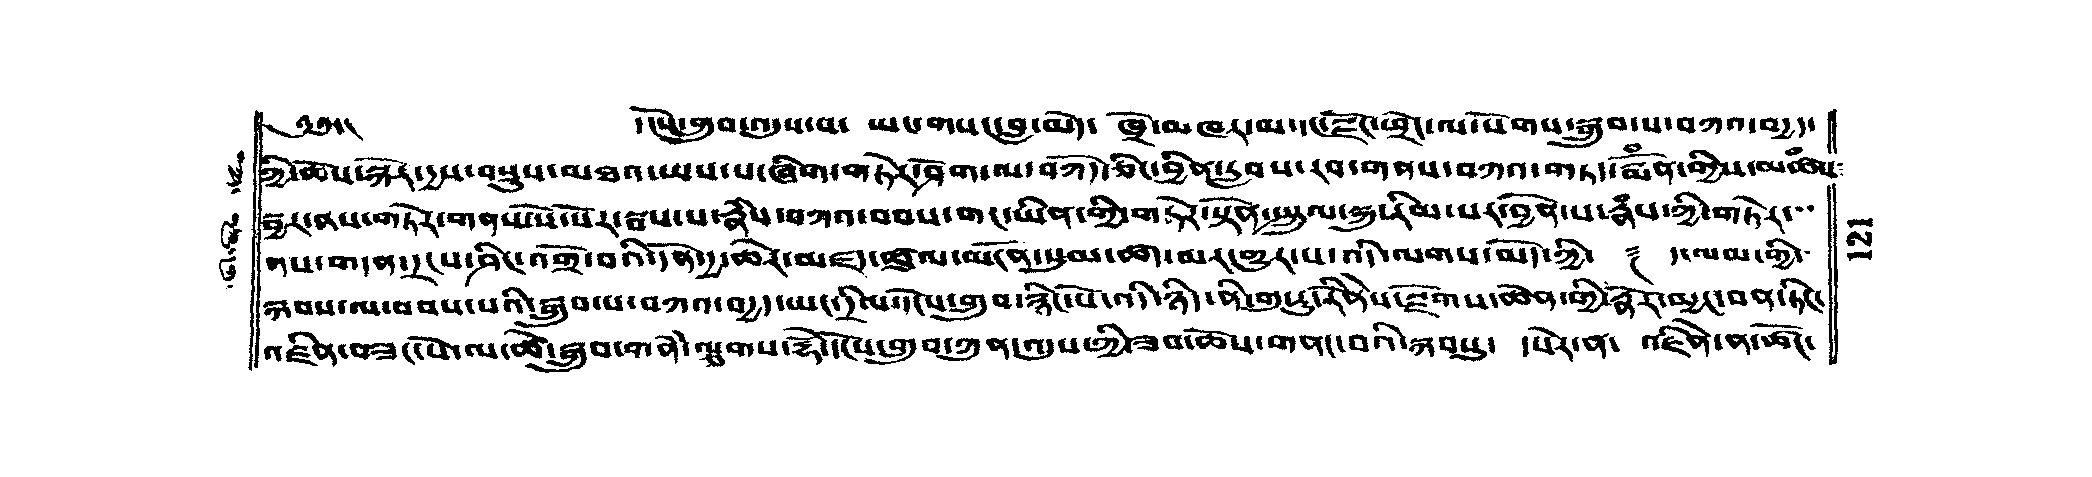དངོས་གྲུབ་འདུས་པ། ཡང་གསང་བླ་མེད། ཁྲོ་མཁར་མ་དང་རྫོང་ཕྲེང་ལ་སོགས་སྒྲུབ་པ་བཀའ་བརྒྱད་
ཀྱི་ཆོས་སྐོར་རྒྱས་བསྡུས་མཐའ་ཡས་པ་ཞིག་གཏེར་ཤོག་ལ་བཀོད་ཅིང་བྱིན་རླབས་རབ་གནས་བཀའ་གཏད་སྨོན་ལམ་གྱིས་མཚམས་
སྦྱར་ནས་གཏེར་གནས་སོ་སོར་སྦས་པ་རྣམས་བཀའ་བབས་གང་ཡིན་གྱི་གཏེར་སྟོན་སྤྲུལ་སྐུ་རིམ་པར་བྱོན་པ་རྣམས་ཀྱི་གཏེར་
ནས་གདན་དྲངས་ཤིང་འགྲོ་བའི་དོན་རྒྱ་ཆེར་མཛད་ཚུལ་མངོན་སུམ་ཚད་མར་གྱུར་པ་འདི་ལགས་མོད་ཀྱི། ༈ ད་ལམ་གྱི་
སྐབས་ལ་བབས་པའི་སྒྲུབ་པ་བཀའ་བརྒྱད་ཡང་དྲིལ་དངོས་གྲུབ་སྙིང་པོ་འདི་ཉིད་ནི་གུ་རུ་རིན་པོ་ཆེས་རྫོགས་ཆེན་གྱི་རྣལ་འབྱོར་མྱང་བན་ཏིང་
འཛིན་བཟང་པོ་ལ་ཚེ་སྒྲུབ་གནམ་ལྕགས་རྡོ་རྗེ་དངོས་གྲུབ་ཀུན་འདུས་ཀྱི་ཟབ་ཆོས་གནང་བའི་སྐབས་སུ། དཔེར་ན། འཇིག་རྟེན་ན་ཚོང་